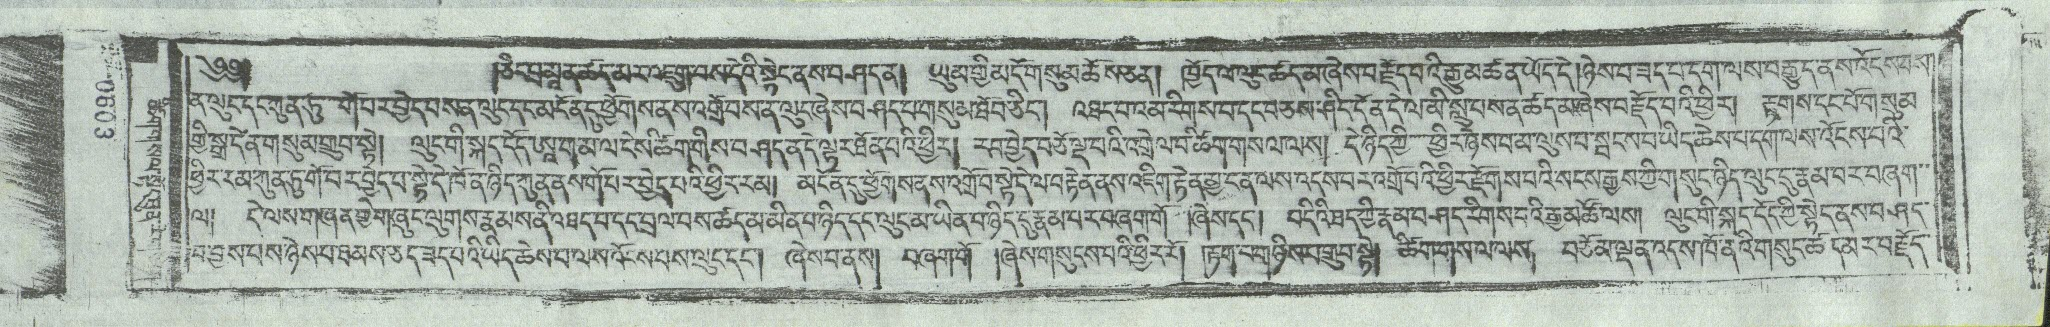༄༅། །ཅིང་པྲ་མཱ་ན་ཚད་མར་འཇུག་པས་དེའི་སྟེང་ནས་བཤད་ན། ཡུམ་གྱི་མདོ་གསུམ་ཆོས་ཅན། ཁྱོད་ལ་ལུང་ཚད་མ་ཞེས་བརྗོད་པའི་རྒྱུ་མཚན་ཡོད་དེ། ཉེས་པ་ཟད་པ་དག་ལས་བརྒྱུད་ནས་འོངས་བས་
ན་ལུང་དང་ཀུན་ཏུ་གོ་བར་བྱེད་པས་ན་ལུང་དང་མངོན་དུ་ཕྱོགས་ནས་འགྲོ་བས་ན་ལུང་ཞེས་བཤད་པ་གསུམ་ཐོབ་ཅིང་། འཐད་པ་འམ་རིགས་པ་དང་བཅས་ཤིང་དོན་དེ་ལ་མི་སླུ་པས་ན་ཚད་མ་ཞེས་བརྗོད་པའི་ཕྱིར། རྟགས་དང་པོ་གསུམ་
གྱི་སྒྲ་དོན་གསུམ་གྲུབ་སྟེ། ལུང་གི་སྐད་དོད་ཨཱ་ག་མ་ལ་ངེས་ཚིག་གིས་བཤད་ན་དེ་ལྟར་ཐོན་པའི་ཕྱིར། རབ་བྱེད་བཅོ་ལྔ་པའི་འགྲེལ་བ་ཚིག་གསལ་ལས། དེ་ཉིད་ཀྱི་ཕྱིར་ཉེས་པ་མ་ལུས་པ་སྤངས་པ་ཡིད་ཆེས་པ་དག་ལས་འོངས་པའི་
ཕྱིར་རམ་ཀུན་ཏུ་གོ་བར་བྱེད་པ་སྟེ་དེ་ཁོ་ན་ཉིད་ཀུན་ནས་གོ་པར་བྱེད་པའི་ཕྱིར་རམ། མངོན་དུ་ཕྱོགས་ནས་འགྲོ་བ་སྟེ་དེ་ལ་བརྟེན་ནས་འཇིག་རྟེན་མྱ་ངན་ལས་འདས་པར་འགྲོ་པའི་ཕྱིར་རྫོགས་པའི་སངས་རྒྱས་ཀྱི་གསུང་ཉིད་ལུང་དུ་རྣམ་པར་བཞག་
ལ། དེ་ལས་གཞན་གྱི་གཞུང་ལུགས་རྣམས་ནི་འཐད་པ་དང་བྲལ་བས་ཚད་མ་མིན་པ་ཉིད་དང་ལུང་མ་ཡིན་པ་ཉིད་དུ་རྣམ་པར་བཞག་གོ །ཞེས་དང་། འདིའི་ཐད་ཀྱི་རྣམ་བཤད་རིགས་པའི་རྒྱ་མཚོ་ལས། ལུང་གི་སྐད་དོད་ཀྱི་སྟེང་ནས་བཤད་
བ་བྱས་པས་ཉེས་པ་ཐམས་ཅད་ཟད་པའི་ཡིད་ཆེས་པ་ལས་འོངས་པས་ལུང་དང་། ཞེས་པ་ནས། བཞག་གོ །ཞེས་གསུངས་པའི་ཕྱིར་རོ། །རྟག་པ་གཉིས་པ་གྲུབ་སྟེ། ཚིག་གསལ་ལས། བཅོམ་ལྡན་འདས་ཁོ་ནའི་གསུང་ཚད་མར་བརྗོད་